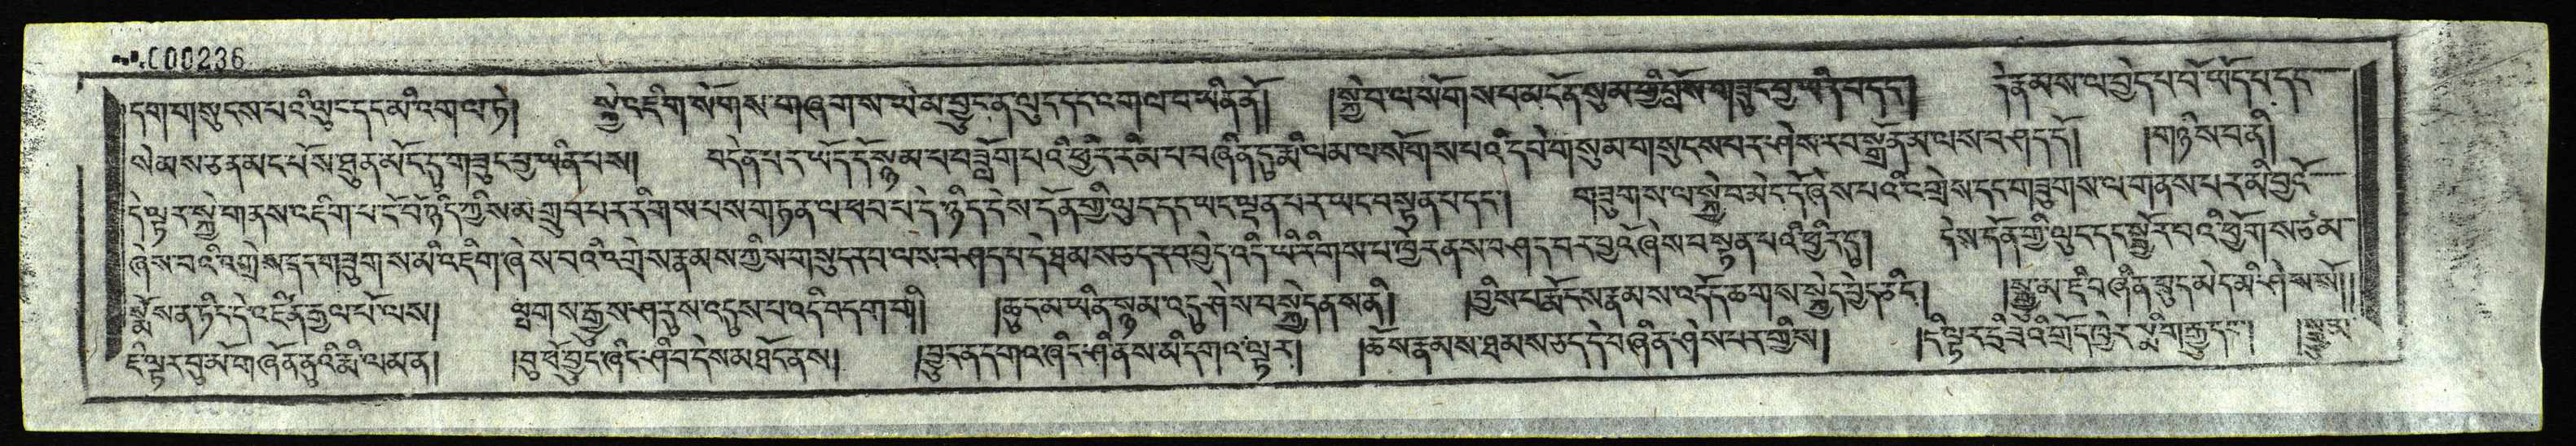དག་གསུངས་པའི་ལུང་དང་མི་འགལ་ཏེ། སྐྱེ་འཇིག་སོགས་གཞགས་ལ་མ་བྱུང་ན་ལུང་དང་འགལ་བ་ཡིན་ནོ། །སྐྱེ་བ་ལ་སོགས་པ་མངོན་སུམ་གྱི་བློས་གཟུང་བྱ་ཡིན་པ་དང་། དེ་རྣམས་ལ་བྱེད་པ་པོ་ཡོད་པ་དང་
སེམས་ཅན་མང་པོས་ཐུན་མོང་དུ་གཟུང་བྱ་ཡིན་པས། བདེན་པར་ཡོད་དོ་སྙམ་པ་བཟློག་པའི་ཕྱིར་རིམ་པ་བཞིན་དུ་རྨི་ལམ་ལ་སོགས་པའི་དཔེ་གསུམ་གསུངས་པར་ཤེས་རབ་སྒྲོན་མ་ལས་བཤད་དོ། །གཉིས་པ་ནི།
དེ་ལྟར་སྐྱེ་གནས་འཇིག་པ་ངོ་བོ་ཉིད་ཀྱིས་མ་གྲུབ་པར་རིགས་པས་གཏན་ལ་ཕབ་པ་དེ་ཉིད་ངེས་དོན་གྱི་ལུང་དང་ཡང་ལྡན་པར་ཡང་བསྟན་པ་དང་། གཟུགས་ལ་སྐྱེ་བ་མེད་དོ་ཞེས་པའི་འགྲེས་དང་གཟུགས་ལ་གནས་པར་མི་བྱའོ་
ཞེས་པའི་འགྲེས་དང་གཟུགས་མི་འཇིག་ཞེས་པའི་འགྲེས་རྣམས་ཀྱིས་གསུང་རབ་ལས་བཤད་པ་དེ་ཐམས་ཅད་རབ་བྱེད་འདི་ཡི་རིགས་པ་ཁྱེར་ནས་བཤད་པར་བྱའོ་ཞེས་བསྟན་པའི་ཕྱིར་དུ། དེས་དོན་གྱི་ལུང་དང་སྦྱོར་བའི་ཕྱོགས་ཙམ་
སྨོས་ན་ཏིང་ངེ་འཛིན་རྒྱལ་པོ་ལས། ལྤགས་རྒྱུས་ཤ་རུས་འདུས་པ་འདི་བདག་གི། །ཆུང་མ་ཡིན་སྙམ་འདུ་ཤེས་བསྐྱེད་ནས་ནི། །བྱིས་པ་རྨོངས་རྣམས་འདོད་ཆགས་སྐྱེད་བྱེད་ཅིང་། །སྒྱུ་མ་ཇི་བཞིན་བུད་མེད་མི་ཤེས་སོ།།
ཇི་ལྟར་བུ་མོ་གཞོན་ནུའི་རྨི་ལམ་ན། །བུ་ཕོ་བྱུང་ཞིང་ཤི་བ་དེས་མཐོང་ནས། །བྱུང་ན་དགའ་ཞིང་ཤི་ནས་མི་དགའ་ལྟར། །ཆོས་རྣམས་ཐམས་ཅད་དེ་བཞིན་ཤེས་པར་གྱིས། །ཇི་ལྟར་དྲི་ཟའི་གྲོང་ཁྱེར་སྨིག་རྒྱུ་དང་། །སྒྱུ་མ་